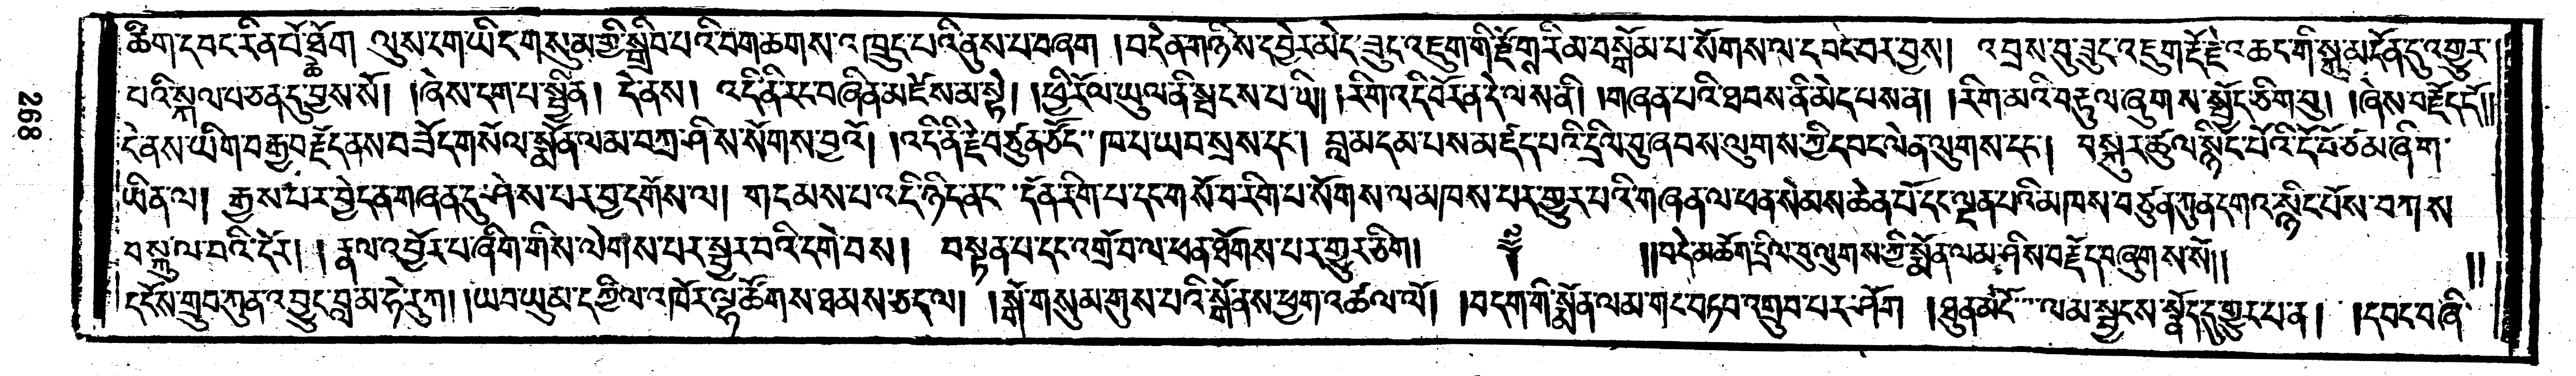ཚིག་དབང་རིན་པོ་ཆེ་ཐོག་ལུས་ངག་ཡིད་གསུམ་གྱི་སྒྲིབ་པའི་བག་ཆགས་འཁྲུད་པའི་ནུས་པ་བཞག །བདེན་གཉིས་དབྱེར་མེད་ཟུང་འཇུག་གི་རྫོགས་རིམ་བསྒོམ་པ་སོགས་ལ་དབང་བར་བྱས། འབྲས་བུ་ཟུང་འཇུག་རྡོ་རྗེ་འཆང་གི་སྐུ་མངོན་དུ་འགྱུར་
པའི་སྐལ་པ་ཅན་དུ་བྱས་སོ། །ཞེས་དག་པ་སྦྱིན། དེ་ནས། འདི་ནི་རང་བཞིན་མཛེས་མ་སྟེ། །ཕྱི་རོལ་ཡུལ་ནི་སྤངས་པ་ཡི། །རིག་འདི་བོར་ན་དེ་ལས་ནི། །གཞན་པའི་ཐབས་ནི་མེད་པས་ན། །རིག་མའི་བརྟུལ་ཞུགས་སྤྱོད་ཅིག་བུ། །ཞེས་བརྗོད་དོ།།
དེ་ནས་ཡིག་བརྒྱ་བརྗོད་ནས་བཟོད་གསོལ་སྨོན་ལམ་བཀྲ་ཤིས་སོགས་བྱའོ། །འདི་ནི་རྗེ་བཙུན་ཙོང་ཁ་པ་ཡབ་སྲས་དང་། བླ་མ་དམ་པས་མཛད་པའི་དྲིལ་བུ་ཞབས་ལུགས་ཀྱི་དབང་ལེན་ལུགས་དང་། བསྐུར་ཚུལ་སྙིང་པོའི་ངོ་བོ་ཙམ་ཞིག་
ཡིན་ལ། རྒྱས་པར་བྱེད་ན་གཞན་དུ་ཤེས་པར་བྱ་དགོས་ལ། གདམས་པ་འདི་ཉིད་ནང་དོན་རིག་པ་དང་གསོ་བ་རིག་པ་སོགས་ལ་མཁས་པར་གྱུར་པའི་གཞན་ལ་ཕན་སེམས་ཆེན་པོ་དང་ལྡན་པའི་མཁས་བཙུན་ཀུན་དགའ་སྙིང་པོས་བཀས་
བསྐུལ་བའི་དོར། །རྣལ་འབྱོར་པ་ཞིག་གིས་ལེགས་པར་སྦྱར་བའི་དགེ་བས། བསྟན་པ་དང་འགྲོ་བ་ལ་ཕན་ཐོགས་པར་གྱུར་ཅིག། ༈ །།བདེ་མཆོག་དྲིལ་བུ་ལུགས་ཀྱི་སྨོན་ལམ་ཤིས་བརྗོད་བཞུགས་སོ།། །།
དངོས་གྲུབ་ཀུན་འབྱུང་བླ་མ་ཧེ་རུ་ཀ། །ཡབ་ཡུམ་དཀྱིལ་འཁོར་ལྷ་ཚོགས་ཐམས་ཅད་ལ། །སྒོ་གསུམ་གུས་པའི་སྒོ་ནས་ཕྱག་འཚལ་ལོ། །བདག་གི་སྨོན་ལམ་གང་བཏབ་འགྲུབ་པར་ཤོག །ཐུན་མོང་ལམ་སྦྱངས་སྣོད་དུ་གྱུར་པ་ན། །དབང་བཞི་